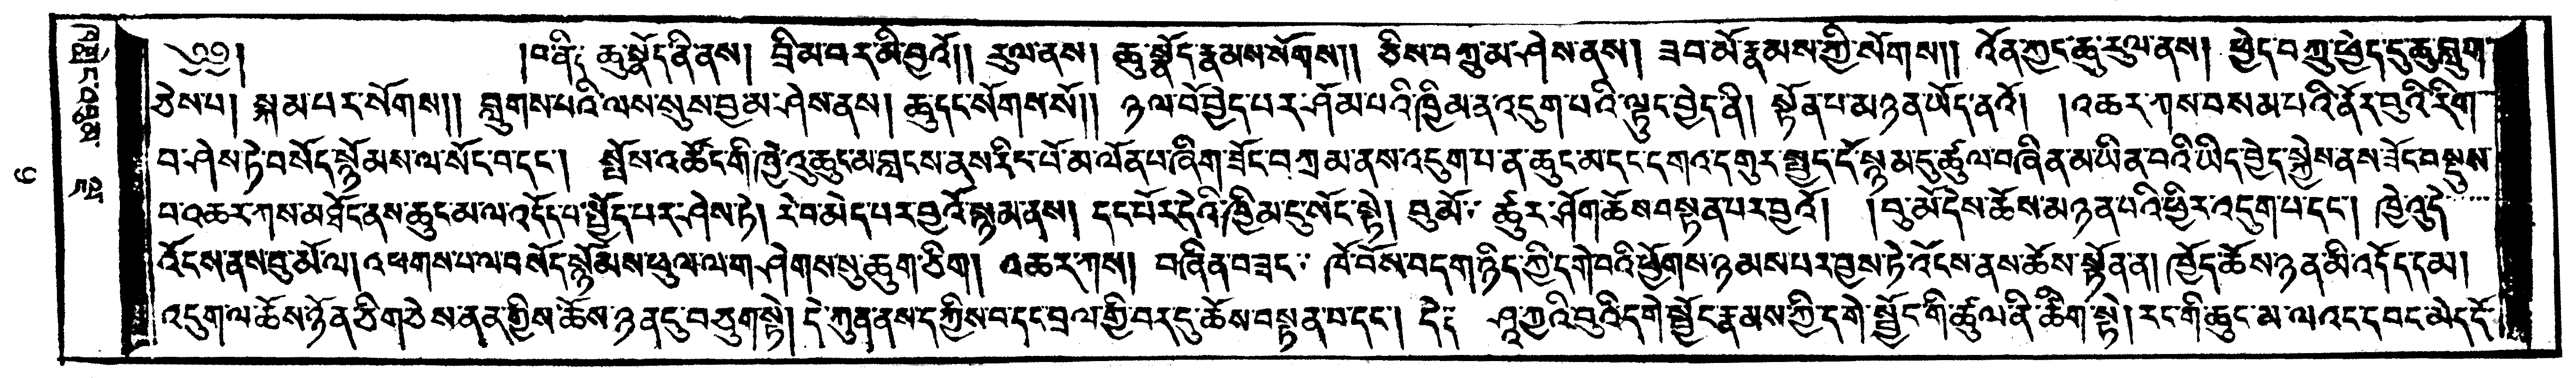༄༅། །བ་ནི༑ ཆུ་སྣོད་ནི་ནས། བྲི་མ་བར་མི་བྱའོ།། རུལ་ནས། ཆུ་སྣོད་རྣམས་སོགས།། ཅིས་བཀྲུ་མ་ཤེས་ནས། ཟབ་མོ་རྣམས་ཀྱི་སོགས།། འོན་ཀྱང་ཆུ་རུལ་ནས། ཕྱེད་བཀྲུ་ཕྱེད་དུ་ཆུ་བླུག་
ཅེས་པ། སྐམ་པར་སོགས།། བླུགས་པའི་ལས་སུས་བྱ་མ་ཤེས་ནས། ཆུ་དང་སོགས་སོ།། ཉལ་བོ་བྱེད་པར་ཤོམ་པའི་ཁྱིམ་ན་འདུག་པའི་ལྟུང་བྱེད་ནི། སྟོན་པ་མཉན་ཡོད་ནའོ། །འཆར་ཀས་བསམ་པའི་ནོར་བུའི་རིག་
པ་ཤེས་ཏེ་བསོད་སྙོམས་ལ་སོང་བ་དང་། སྤོས་འཚོང་གི་ཁྱེའུ་ཆུང་མ་བླངས་ནས་རིང་པོ་མ་ལོན་པ་ཞིག་ཟོང་བཀྲམ་ནས་འདུག་པ་ན་ཆུང་མ་དང་དགའ་དགུར་སྤྱད་དོ་སྙམ་དུ་ཚུལ་བཞིན་མ་ཡིན་པའི་ཡིད་བྱེད་སྐྱེས་ནས་ཟོང་བསྡུས་
པ་འཆར་ཀས་མཐོང་ནས་ཆུང་མ་ལ་འདོད་པ་སྤྱོད་པར་ཤེས་ཏེ། རེ་བ་མེད་པར་བྱའོ་སྙམ་ནས། དང་པོར་དེའི་ཁྱིམ་དུ་སོང་སྟེ། བུ་མོ་ཚུར་ཤོག་ཆོས་བསྟན་པར་བྱའོ། །བུ་མོ་དེས་ཆོས་མཉན་པའི་ཕྱིར་འདུག་པ་དང་། ཁྱེའུ་དེ་
འོངས་ནས་བུ་མོ་ལ། འཕགས་པ་ལ་བསོད་སྙོམས་ཕུལ་ལ་གཤེགས་སུ་ཆུག་ཅིག། འཆར་ཀས། བཞིན་བཟང་ཁོ་བོས་བདག་ཉིད་ཀྱི་དགེ་བའི་ཕྱོགས་ཉམས་པར་བྱས་ཏེ་འོངས་ནས་ཆོས་སྟོན་ན། ཁྱོད་ཆོས་ཉན་མི་འདོད་དམ།
འདུག་ལ་ཆོས་ཉོན་ཅིག་ཅེས་ནན་གྱིས་ཆོས་ཉན་དུ་བཅུག་སྟེ། དེ་ཀུན་ནས་དཀྱིས་བ་དང་བྲལ་གྱི་བར་དུ་ཆོས་བསྟན་པ་དང་། དེ༑ ཤཱཀྱའི་བུའི་དགེ་སྦྱོང་རྣམས་ཀྱི་དགེ་སྦྱོང་གི་ཚུལ་ནི་ཚིག་སྟེ། རང་གི་ཆུང་མ་ལའང་དབང་མེད་དོ་